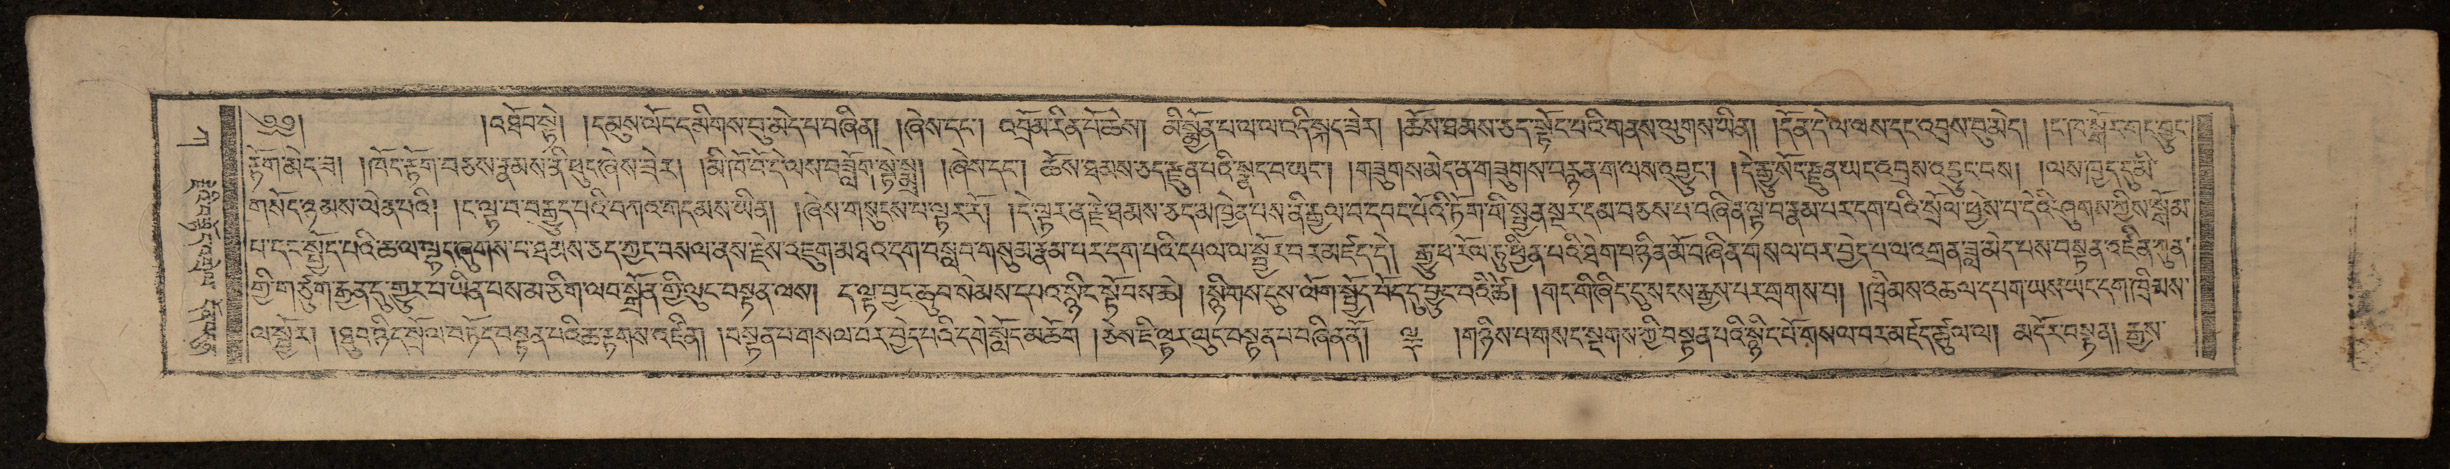༄༅། །འཐོབ་སྟེ། །དམུས་ལོང་དམིགས་བུ་མེད་བ་བཞིན། །ཞེས་དང་། འབྲོམ་རིན་པོ་ཆེས། མི་སྨྱོན་པ་ལ་ལ་འདི་སྐད་ཟེར། །ཆོས་ཐམས་ཅད་སྟོང་པའི་གནས་ལུགས་ཡིན། །དོན་དེ་ལ་ལས་དང་འབྲས་བུ་མེད། །ང་ཁ་སྒོར་གང་བྱུང་
རྟོག་མེད་ཟ། །ཁོང་རྟོག་བཅས་རྣམས་ནི་ཕུང་ཞེས་ཟེར། །མི་ཁོ་བོ་དེ་ལས་བཟློག་སྟེ་སྨྲ། །ཞེས་དང་། ཆོས་ཐམས་ཅད་རྫུན་པའི་སྣང་བ་ཡང་། །གཟུགས་མེད་ན་གཟུགས་བརྙན་ག་ལས་འབྱུང་། །དེ་རྒྱུ་སོ་བརྫུན་ཡང་འབྲས་འབྱུང་བས། །ལས་ཁྱད་དུ་མི་
གསོད་ཉམས་ལེན་པའི། །ད་ལྟ་བ་བརྒྱུད་པའི་བཀའ་གདམས་ཡིན། །ཞེས་གསུངས་པ་ལྟར་རོ། །དེ་ལྟར་ན་རྗེ་ཐམས་ཅད་མཁྱེན་པས་ནི་རྒྱལ་བ་དབང་བོའི་ཏོག་གི་སྤྱན་སྔར་དམ་བཅས་བ་བཞིན་ལྟ་བ་རྣམ་པར་དག་པའི་སྲོལ་ཕྱེས་བ་དེའི་ཤུགས་ཀྱིས་སྒོམ་
པ་དང་སྤྱོད་པའི་ཆལ་ལྷང་ཞུགས་པ་ཐམས་ཅད་ཀྱང་བསལ་ནས་རྗེས་འཇུག་མཐའ་དག་བསླབ་གསུམ་རྣམ་བར་དག་པའི་དཔལ་ལ་སྦྱོར་བར་མཛད་དེ། རྒྱུ་ཕ་རོལ་ཏུ་ཕྱིན་པའི་ཐེག་བ་ཉིན་མོ་བཞིན་གསལ་བར་བྱེད་པ་ལ་འགྲན་ཟླ་མེད་པས་བསྟན་འཛིན་ཀུན་
གྱི་གཙུག་རྒྱན་དུ་གྱུར་པ་ཡིན་པས་མ་ཅིག་ལབ་སྒྲོན་གྱི་ལུང་བསྟན་བས། ད་ལྟ་བྱང་ཆུབ་སེམས་དཔའ་སྙིང་སྟོབས་ཆེ། །སྙིགས་དུས་ལོག་སྤྱོད་བོད་དུ་བྱུང་བའི་ཚེ། །གང་གི་ཞིང་དུ་སངས་རྒྱས་པར་གྲགས་པ། །ཁྲིམས་འཆལ་དཔག་ཡས་ཡང་དག་ཁྲིམས་
ལ་སྦྱོར། །ཐུབ་ཉིད་སྲོལ་བཏོང་བསྟན་པའི་ཆ་རྟགས་འཛིན། །བསྟན་པ་གསལ་བར་བྱེད་བའི་དགེ་སློང་མཆོག །ཅེས་ཇི་ལྟར་ལུང་བསྟན་བ་བཞིན་ནོ། ༈ །གཉིས་བ་གསང་སྔགས་ཀྱི་བསྟན་བའི་སྙིང་པོ་གསལ་བར་མཛད་ཚུལ་ལ། མདོར་བསྟན། རྒྱས་